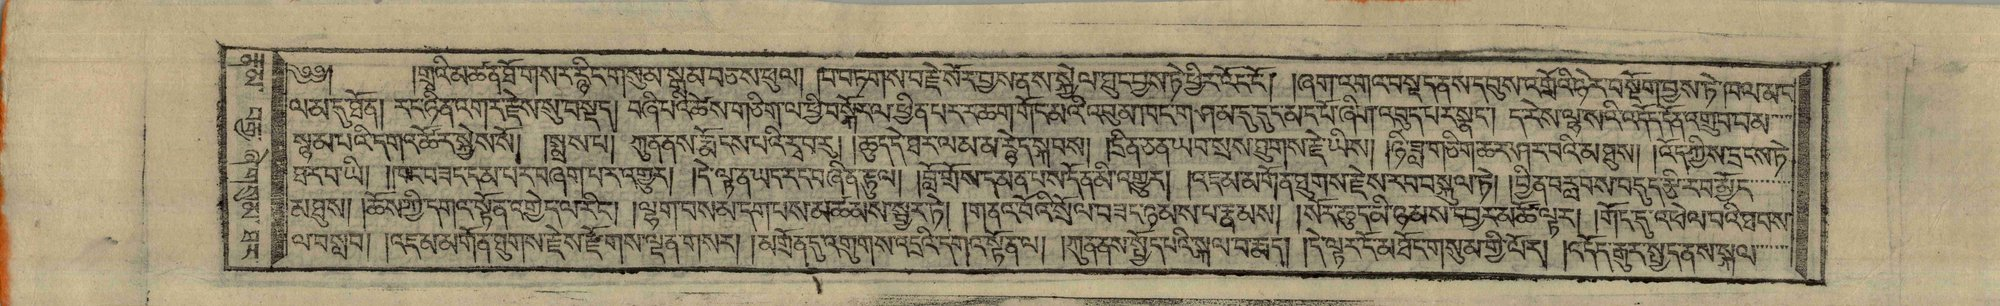༄༅། །གྲྭའི་མཚན་ཐོ་གསར་རྙིང་གསུམ་སྒམ་བཅས་ཕུལ། ཁ་བཏགས་བརྗེ་སོར་བྱས་ནས་སྐྱེལ་ཐུང་བྱས་ཏེ་ཕྱིར་འོང་ངོ། །ཞག་འགའ་བསྡད་ནས་དབུས་འགྲོའི་ཉེར་བསྡོག་བྱས་ཏེ་ཁལ་མང་
ལམ་དུ་ཐོན། རང་ཉིན་འགར་རྗེས་སུ་བསྡད། བཞི་པའི་ཚེས་གཅིག་ལ་ཕྱི་བསྐོར་ལ་ཕྱིན་པར་ར་ཆག་གོང་མའི་འབུམ་ཁང་གཤམ་དུ་དུང་མང་པོ་ཞིག་འབུད་པར་སྣང་། ད་རེས་ལྷ་སའི་འདོད་དོན་འགྲུབ་བམ་
སྙམ་པའི་དགའ་ཚོར་སྐྱེས་སོ། །སྨྲས་པ། ཀུན་ནས་རྨོངས་པའི་རྭ་བ་རུ། །ཆུད་དེ་ཐར་ལམ་མ་རྙེད་སྐབས། །དྲིན་ཅན་ཡབ་སྲས་ཐུགས་རྗེ་ཡིས། །ཉི་ཟླ་གཅིག་ཆར་ཤར་བའི་མཐུས། །འོད་ཀྱིས་དྲངས་ཏེ་
ཐར་བ་ཡི། །ཁང་བཟང་དམ་པར་བཞག་པར་འགྱུར། །དེ་ལྟ་ན་ཡང་རང་བཞིན་རྟུལ། །བློ་གྲོས་དམན་པས་དོན་མི་འགྱུར། །འཇམ་མགོན་ཐུགས་རྗེས་རབ་བསྐུལ་ཏེ། །བྱིན་བརླབས་བདུད་རྩི་རབ་མྱོང་
མཐུས། །ཆོས་ཀྱི་དགའ་སྟོན་འགྱེད་ལ་རིང་། །ལྷག་བསམ་དག་པས་མཚམས་སྦྱར་ཏེ། །གནའ་བོའི་སྲོལ་བཟང་ཉམས་པ་རྣམས། །སོར་ཆུད་མི་ཉམས་དབྱར་མཚོ་ལྟར། །གོང་དུ་འཕེལ་བའི་ཐབས་
ལ་བསླབ། །འཇམ་མགོན་ཐུགས་རྗེས་རྫོགས་ལྡན་གསར། །མགྲོན་དུ་འགུགས་འདྲའི་དགའ་སྟོན་ལ། །ཀུན་ནས་སྤྱོད་པའི་སྐལ་བ་རྨད། །དེ་ལྟར་ངོ་མཐོང་གསུམ་གྱི་ལོར། །འདོད་རྒུར་སྤྱད་ནས་སྐལ་